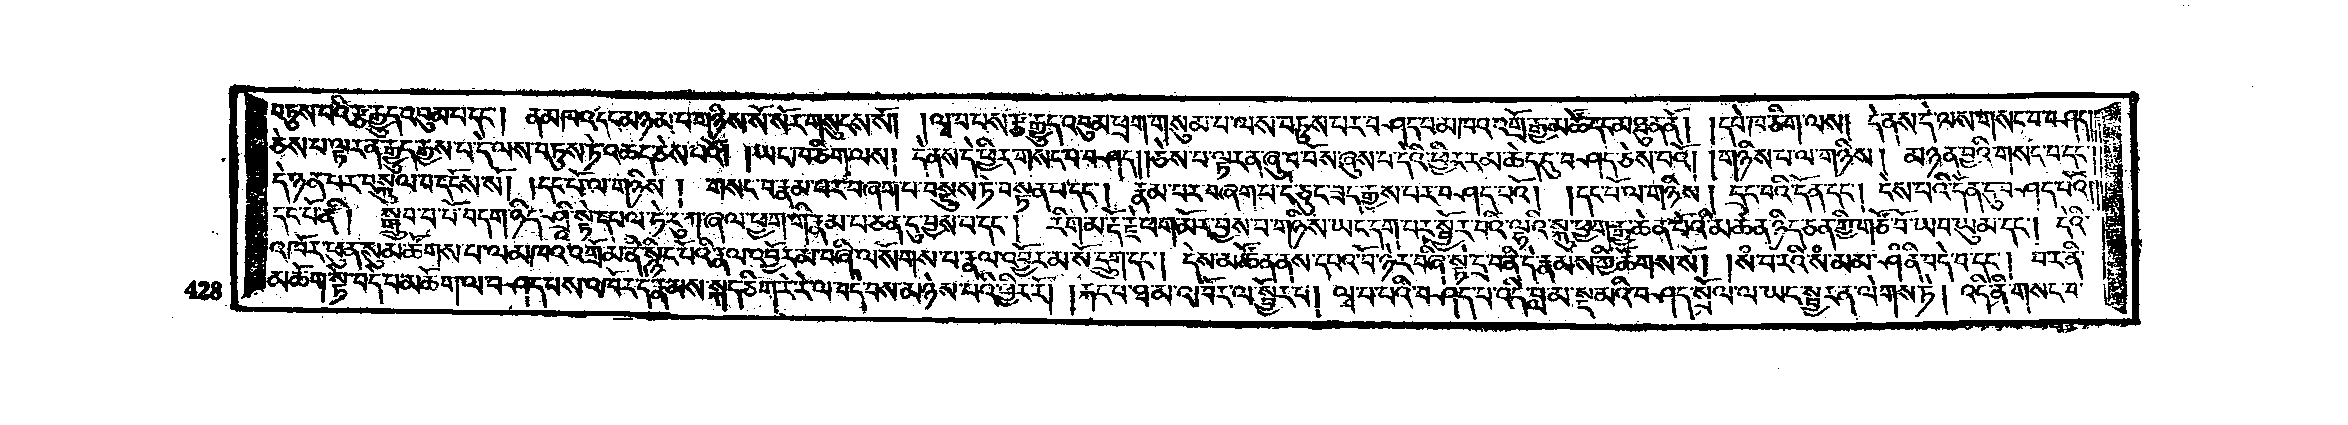བཏུས་པའི་རྩ་རྒྱུད་འབུམ་པ་དང་། ནམ་མཁའ་དང་མཉམ་པ་གཉིས་སོ་སོར་གསུངས་སོ། །ལྭ་བ་པས་རྩ་རྒྱུད་འབུམ་ཕྲག་གསུམ་པ་ལས་བཏུས་པར་བཤད་པ་མཁའ་འགྲོ་རྒྱ་མཚོ་དང་མཐུན་ནོ། །དཔེ་ཁ་ཅིག་ལས། དེ་ནས་དེ་ལས་གསང་བ་བཤད། །
ཅེས་པ་ལྟར་ན་རྒྱུད་རྒྱས་པ་དེ་ལས་བཏུས་ཏེ་འཆད་ཅེས་པའོ། །ཡང་ཁ་ཅིག་ལས། དེ་ནས་དེ་ཕྱིར་གསང་བ་བཤད། །ཅེས་པ་ལྟར་ན་ཞུ་བ་པོས་ཞུས་པ་དེའི་ཕྱིར་རམ་ཆེད་དུ་བཤད་ཅེས་པའོ། །གཉིས་པ་ལ་གཉིས། མཉན་བྱའི་གསང་བ་དང་།
དེ་ཉན་པར་བསྐུལ་བ་དངོས་སོ། །དང་པོ་ལ་གཉིས། གསང་བ་རྣམ་པར་བཞག་པ་བསྡུས་ཏེ་བསྟན་པ་དང་། རྣམ་པར་བཞག་པ་དེ་ཅུང་ཟད་རྒྱས་པར་བཤད་པའོ། །དག་པོ་ལ་གཉིས། དྲང་བའི་དོན་དང་། ངེས་པའི་དོན་དུ་བཤད་པའོ། །
དང་པོ་ནི། སྒྲུབ་པ་པོ་བདག་ཉིད་ཤྲཱི་སྟེ་དཔལ་ཧེ་རུ་ཀ་ཞལ་ཕྱག་གི་རྣམ་པ་ཅན་དུ་བྱས་པ་དང་། རིག་མ་རྡོ་རྗེ་ཕག་མོར་བྱས་པ་གཉིས་ཡང་དག་པར་སྦྱོར་བའི་ལྷའི་སྐུ་ཕྱག་རྒྱ་ཆེན་པོའི་མཚན་ཉིད་ཅན་གྱི་གཙོ་བོ་ཡབ་ཡུམ་དང་། དེའི་
འཁོར་ཕུན་སུམ་ཚོགས་པ་ལ་མཁའ་འགྲོ་མ་ནི་སྙིང་པོའི་རྣལ་འབྱོར་མ་བཞི་ལ་སོགས་པ་རྣལ་འབྱོར་མ་སོ་དྲུག་དང་། དེས་མཚོན་ནས་དཔའ་བོ་ཉེར་བཞི་སྟེ་དྲ་བ་ནི་དེ་རྣམས་ཀྱི་ཚོགས་སོ། །སཾ་བ་རའི་སཾ་མམ་ཤཾ་ནི་བདེ་བ་དང་། བ་ར་ནི་
མཆོག་སྟེ་བདེ་བ་མཆོག་ལ་བཤད་པས་འཁོར་དེ་རྣམས་སྐད་ཅིག་རེ་རེ་ལ་བདེ་བས་གཉེས་པའི་ཕྱིར་རོ། །རྐང་པ་ཐ་མ་འཁོར་ལ་སྦྱོར་པ། ལྭ་བ་པའི་བཤད་པ་འདི་བླ་མ་སྔ་མའི་བཤད་སྲོལ་ལ་ཡང་སྦྱར་ན་ལེགས་ཏེ། འདི་ནི་གསང་བ་